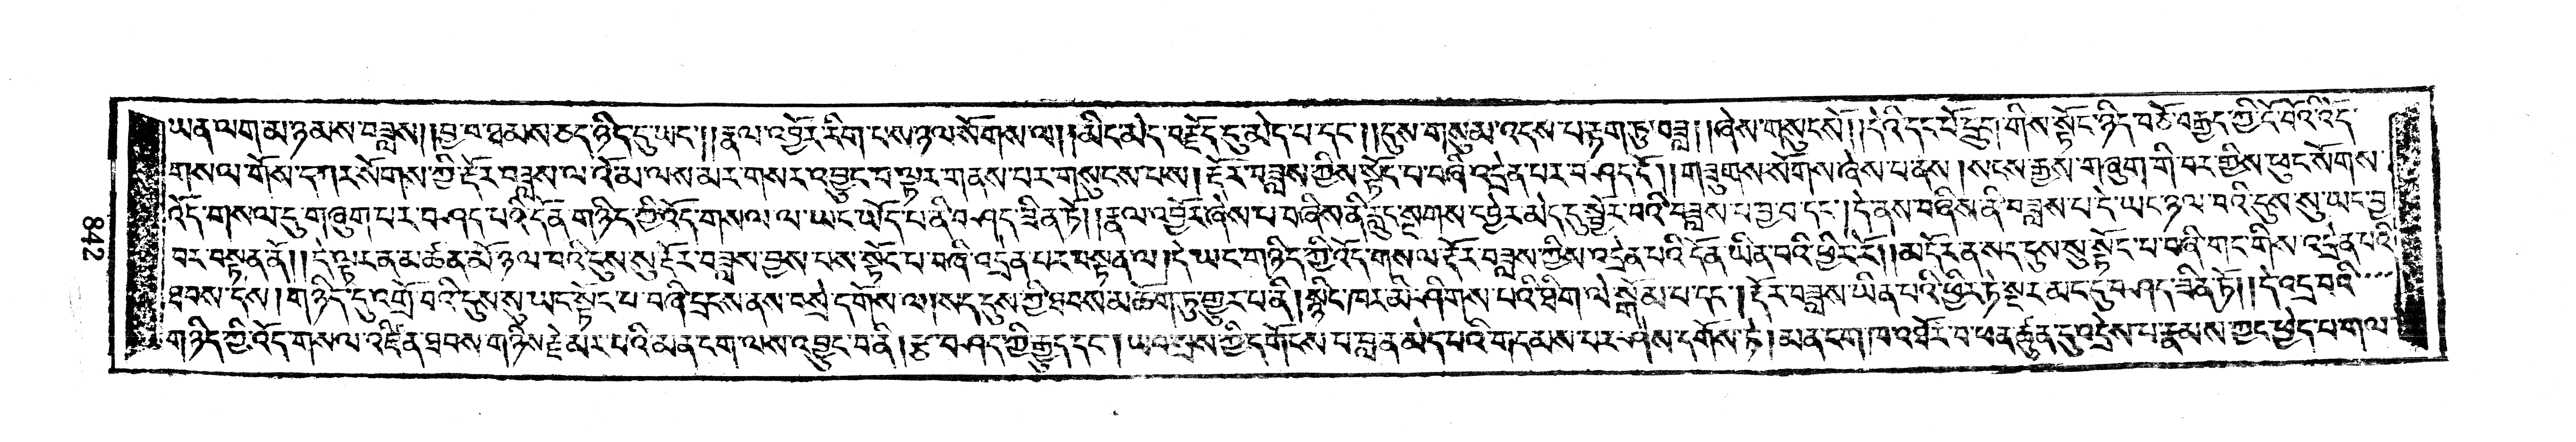ཡན་ལག་མ་ཉམས་བཟླས། །བྱ་བ་ཐམས་ཅད་ཉིད་དུ་ཡང་། །རྣལ་འབྱོར་རིག་པས་ཉལ་སོགས་ལ། །མིང་མེད་བརྗོད་དུ་མེད་པ་དང་། །དུས་གསུམ་འདས་པ་རྟག་ཏུ་བཟླ། །ཞེས་གསུངས་སོ། །དེའི་དང་པོ་དྲུག་གིས་སྟོང་ཉིད་བཅོ་བརྒྱད་ཀྱི་ངོ་བོའི་འོད་
གསལ་གོས་དཀར་སོགས་ཀྱི་རྡོར་བཟླས་ལ་འོ་མ་ལས་མར་གསར་འབྱུང་བ་ལྟར་གནས་པར་གསུངས་པས། རྡོར་བཟླས་ཀྱིས་སྟོང་པ་བཞི་འདྲེན་པར་བཤད་དོ། །གཟུགས་སོགས་ཞེས་པ་ནས། སངས་རྒྱས་གཞུག་གི་བར་གྱིས་ཕུང་སོགས་
འོད་གསལ་དུ་གཞུག་པར་བཤད་པའི་དོན་གཉིད་ཀྱི་འོད་གསལ་ལ་ཡང་ཡོད་པ་ནི་བཤད་ཟིན་ཏོ། །རྣལ་འབྱོར་ཞེས་པ་བཞིས་ནི་རླུང་སྔགས་དབྱེར་མེད་དུ་སྦྱོར་བའི་བཟླས་པ་བྱ་བ་དང་། དེ་ནས་བཞིས་ནི་བཟླས་པ་དེ་ཡང་ཉལ་བའི་དུས་སུ་ཡང་བྱ་
བར་བསྟན་ནོ། །དེ་ལྟར་ན་མཚན་མོ་ཉལ་བའི་དུས་སུ་རྡོར་བཟླས་བྱས་པས་སྟོང་པ་བཞི་འདྲེན་པར་བསྟན་ལ། དེ་ཡང་གཉིད་ཀྱི་འོད་གསལ་རྡོར་བཟླས་ཀྱིས་འདྲེན་པའི་དོན་ཡིན་པའི་ཕྱིར་རོ། །མདོར་ན་སད་དུས་སུ་སྟོང་པ་བཞི་གང་གིས་འདྲེན་པའི་
ཐབས་དེས། གཉིད་དུ་འགྲོ་བའི་དུས་སུ་ཡང་སྟོང་པ་བཞི་དྲངས་དྲངས་ནས་བསྲེ་དགོས་ལ། སད་དུས་ཀྱི་ཐབས་མཆོག་ཏུ་གྱུར་པ་ནི། སྙིང་ཁར་མི་ཤིགས་པའི་ཐིག་ལེ་སྒོམ་པ་དང་། རྡོར་བཟླས་ཡིན་པའི་ཕྱིར་ཏེ་སྔར་མང་དུ་བཤད་ཟིན་ཏོ། །དེ་འདྲ་བའི་
གཉིད་ཀྱི་འོད་གསལ་འཛིན་ཐབས་གཉིས་རྗེ་མར་པའི་མན་ངག་ལས་འབྱུང་བ་ནི། རྩ་བཤད་ཀྱི་རྒྱུད་དང་། ཡབ་སྲས་ཀྱི་དགོངས་པ་བླ་ན་མེད་པའི་གདམས་པར་ཤེས་དགོས་ཏེ། མན་ངག་ཁ་འཐོར་བ་ཕན་ཚུན་དུ་འདྲེས་པ་རྣམས་ཀྱང་ཕྱེད་པ་གལ་